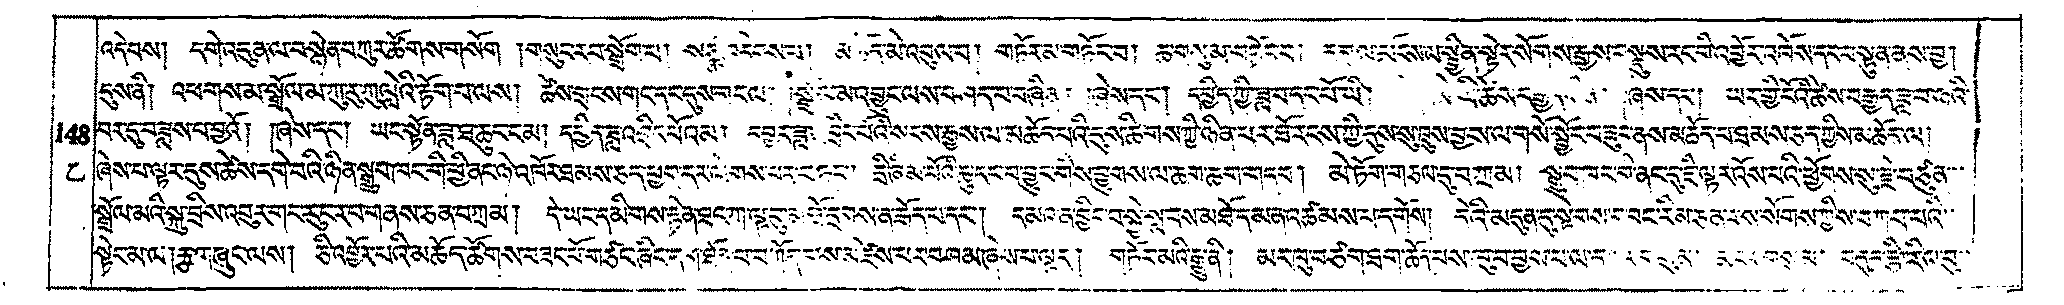འདེབས། དགེ་འདུན་ལ་བསྙེན་བཀུར་ཚོགས་གསོག །གསུང་རབ་སྒྲོག་པ། སཙྪ་འདེབས་པ། མཆོད་མེ་འབུལ་བ། གཏོར་མ་གཏོང་བ། ཆ་གསུམ་གཏོང་བ། དབུལ་ཕོངས་ལ་སྦྱིན་སྟེར་སོགས་རྒྱས་བསྡུས་རང་གི་འབྱོར་འཁོས་དང་བསྟུན་ནས་བྱ།
དུས་ནི། འཕགས་མ་སྒྲོལ་མ་ཀུ་རུ་ཀུལླེའི་རྟོག་པ་ལས། ཚེས་གྲངས་གང་དང་དུས་གང་ལ། །སྒྲོལ་མ་འབྱུང་ལས་བཤད་པ་བཞིན། །ཞེས་དང་། དཔྱིད་ཀྱི་ཟླ་བ་དང་པོ་ཡི། ??མེ་ཡི་ཚེས་བརྒྱད་ཡིན། །ཞེས་དང་། ཡར་གྱི་ངོའི་ཚེས་བརྒྱད་ཟླ་བ་ཉའི་
བར་དུ་བཟླས་པ་བྱའོ། །ཞེས་དང་། ཡང་སྟོན་ཟླ་ཐ་ཆུང་ངམ། དཔྱིད་ཟླ་འབྲིང་པོའམ། དབྱར་ཟླ་འབྲིང་པོའི་སངས་རྒྱས་ལ་མཆོད་པའི་དུས་ཚིགས་ཀྱི་ཉིན་པར་ཐོ་རངས་ཀྱི་དུས་སུ་ཁྲུས་བྱས་ལ་གསོ་སྦྱོང་བཟུང་ནས་མཆོད་པ་ཐམས་ཅད་ཀྱིས་མཆོད་ལ།
ཞེས་པ་ལྟར་དུས་ཚེས་དགེ་བའི་ཉིན་སྒྲུབ་ཁང་གི་ཕྱི་ནང་ཉེ་འཁོར་ཐམས་ཅད་ཕྱག་དར་ལེགས་པར་བཏང་། དྲི་ཞིམ་པོའི་ཆུ་དང་བ་བྱུང་གིས་བྱུགས་ལ་ཆག་ཆག་གདབ། མེ་ཏོག་གཅལ་དུ་བཀྲམ། སྒྲུབ་ཁང་གི་ནང་དུ་ཇི་ལྟར་འོས་པའི་ཕྱོགས་སུ་རྗེ་བཙུན་་་
སྒྲོལ་མའི་སྐུ་བྲིས་འབུར་གང་རུང་རབ་གནས་ཅན་བཀྲམ། དེ་ཡང་དམིགས་རྟེན་ཐང་ཀ་ལྟ་བུ་མཐོ་དྲགས་ན་རྒོད་པ་དང་། དམའ་ན་བྱིང་བ་སྐྱེ་སླབས་མཐོ་དམན་འཚམས་པ་དགོས། དེའི་མདུན་དུ་སྟེགས་བུ་བང་རིམ་ཅན་རས་སོགས་ཀྱིས་བཀབ་པའི་་་
སྟེང་མ་ལ། རྩ་གཞུང་ལས། ཅི་འབྱོར་པའི་མཆོད་ཚོགས་བཟང་པོ་གཙང་ཞིང་དག་ཐོན་པ་བཀོད་པས་མཛེས་པར་བཤམ་ཞེས་པ་ལྟར། གཏོར་མའི་རྒྱུ་ནི། མར་ཁུ་བཙག་ཐག་ཆོད་པས་ཁུ་བ་བྱས་པ་ལ་དཀར་གསུམ། མངར་གསུམ། བདུད་རྩི་རིལ་བུ་་་